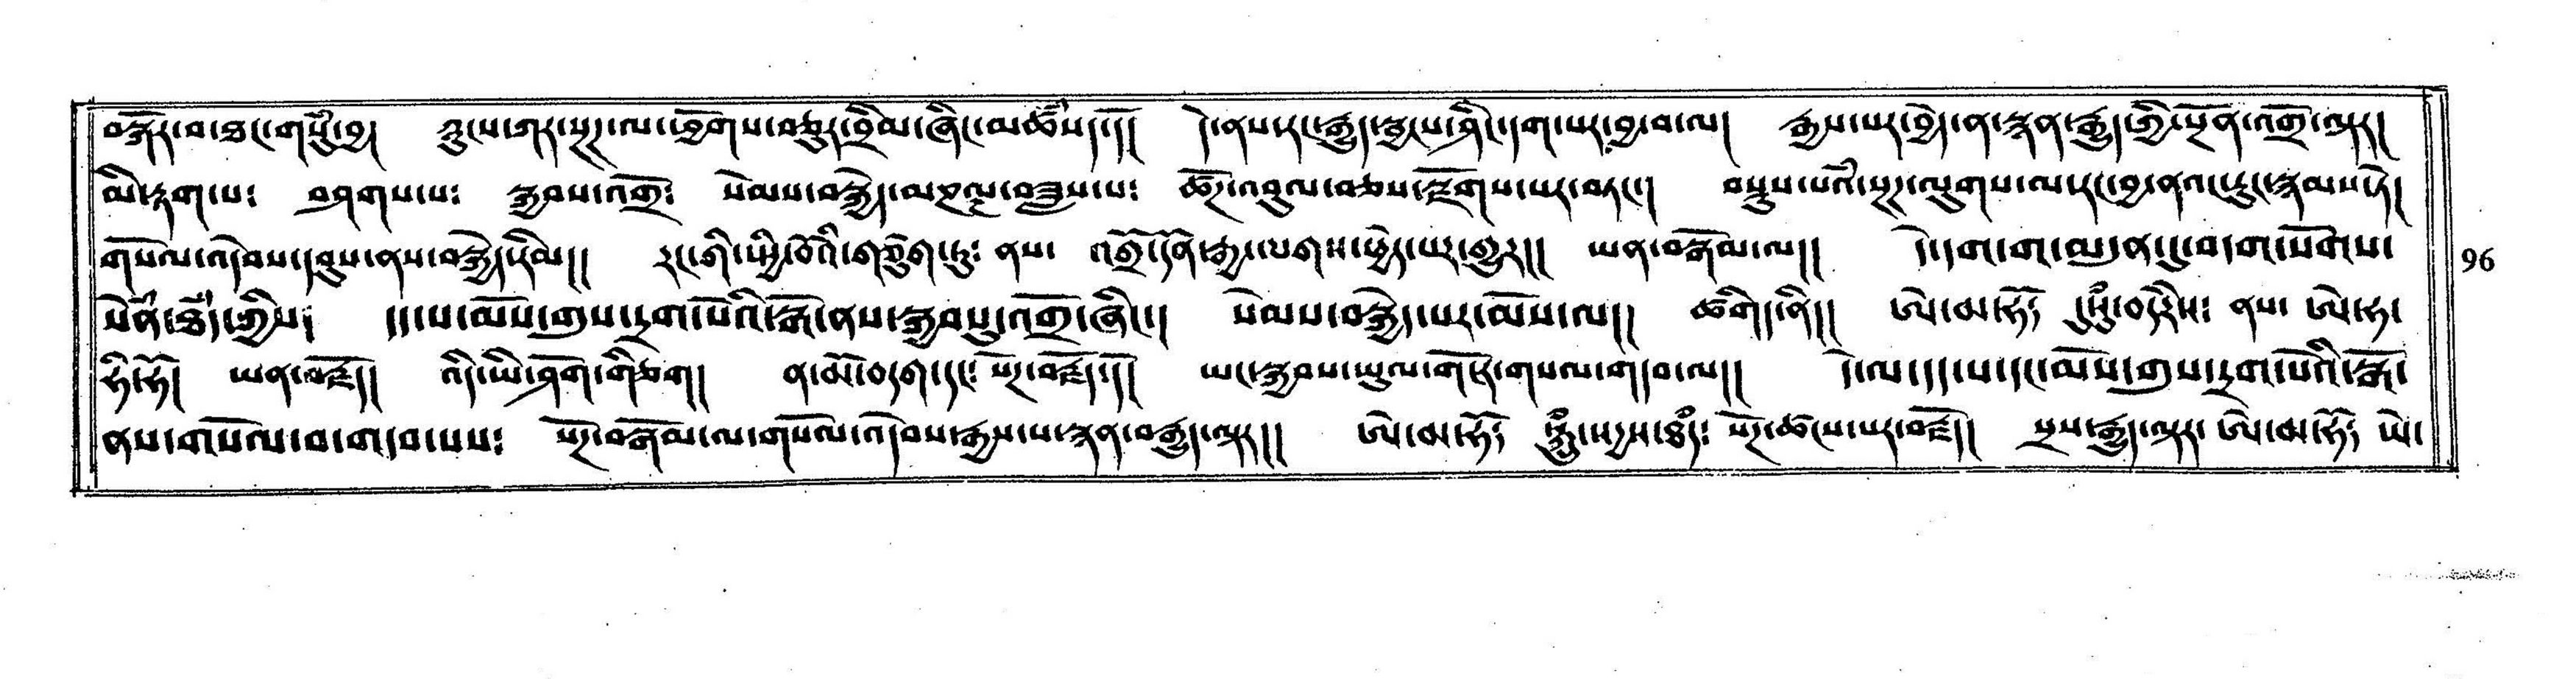བསྐོར་བ་ཐང་གསུམ་བྱ། ཉུངས་ཀར་སྔགས་ལ་ཕྱོགས་བཅུར་བྲིམ་ཞིང་མཚམས་བཅད་དོ། དེ་ནས་རང་རྒྱུད་སྦྱངས་ཤིང་དག་པར་བྱ་བ་ལ། རྒྱས་པར་བྱེད་ན་སྙན་རྒྱུད་ཀྱི་སྔོན་འགྲོ་ལྟར། 
མི་རྟག་པ༴ བཤགས་པ༴ སྐྱབས་འགྲོ༴ སེམས་བསྐྱེད་མཎྜལ་བཟླས་པ༴ ཚོགས་འབུལ་བཅས་རྫོགས་པར་བཏང་། བསྡུས་པའམ་སྔགས་ལུགས་ལ་རང་བྱ་ནའང་རུང་སྙམས་ཏེ། 
གསོལ་འདེབས་དབུས་ནས་བསྐྱེད་རིམ།། རང་གི་སྤྱི་བོའི་གཙུག་ཏུ༴ ནས་འགྲོ་དོན་རྒྱ་ལགས་ཕྱེད་པར་གྱུར།། ཡན་བསྒོམ་ལ།། དེ་དག་གི་མདུན་དུ་བདག་སོགས་
སེམས་ཅན་ཐམས་ཅད་ཀྱིས། དད་པ་མོས་གུས་དྲག་པོའི་སྒོ་ནས་སྐྱབས་སུ་འགྲོ་ཞིང་། སེམས་བསྐྱེད་པར་མོས་ལ།། ཚིག་བཤད་ནི།། ཨེ་མ་ཧོ དུས་གསུམ་བདེར་ ནས་ཨེ་ཧ་
ཧི་ཧོ། ཡན་བརྗོད། འདི་ཡི་ཤོག་གཅིག ན་མོ་བདག་དང་༴ སོགས་བརྗོད་དོ། ཡང་སྐྱབས་ཡུལ་གོང་ལྟར་གསལ་གདབ་ལ། དེ་ལ་དད་པ་དང་མོས་གུས་དྲག་པོའི་སྒོ་
ནས་གསོལ་བ་གདབ་པས༴ སོགས་བསྒོམ་ལ་གསོལ་འདེབས་རྒྱས་པ་སྙན་བརྒྱུད་ལྟར།། ཨེ་མ་ཧོ སྐུ་གསུམ་སངས་རྒྱས་ཐམས་ཅད༴ སོགས་ཚངས་པར་བརྗོད། སྲས་རྒྱུད་ལྟར་ཨེ་མ་ཧོ ཡེ་